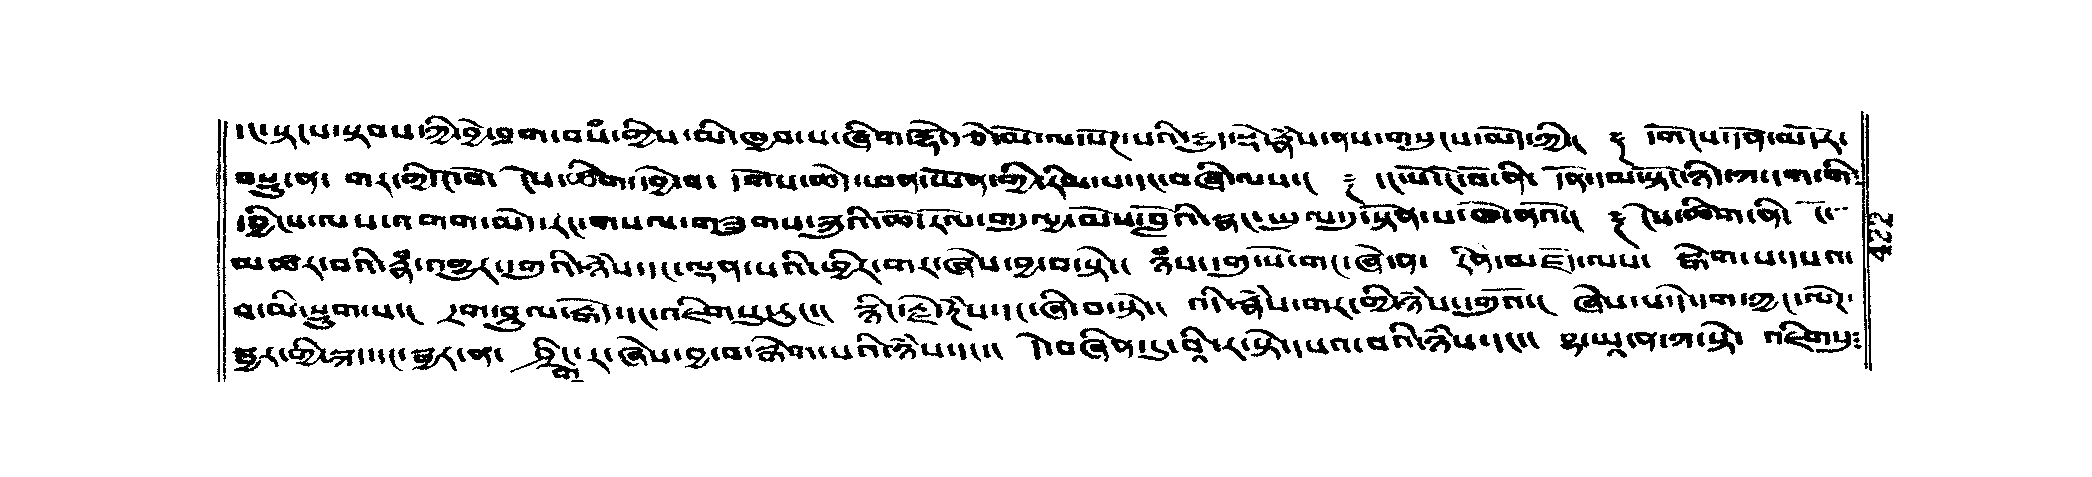དང་སྟངས་སྟབས་ཀྱི་བྱེ་བྲག་བསམ་གྱིས་མི་ཁྱབ་པ་ལཞིག་རྡོ་རྗེ་རྩེ་མོ་ལ་སོགས་པའི་རྒྱུད་སྡེ་རྣམས་ནས་གསུངས་མོད་ཀྱི། ༈ དགོངས་དོན་མདོར་
བསྡུ་ན། གར་གྱི་ངོ་བོ། ངེས་ཚིག་དབྱེ་བ། དགོས་ཆེད་ཕན་ཡོན་གྱི་རིམ་པ་དང་བཞི་ལས། ༈དང་པོ་ངོ་བོ་ནི། དོན་དམ་སྟོང་ཉིད་ཀ་དག་གི་
དབྱིངས་ལས་འགག་མེད་རང་གསལ་གཟུགས་སྐུའི་ཆ་རོལ་གདུལ་བྱ་མོས་བློའི་སྣང་ཡུལ་དུ་སྟོན་པ་ཁོ་ནའོ། ༈ ངེས་ཚིག་ནི། ངོ་
མཚར་བའི་རྣམ་འགྱུར་དགུའི་ཉམས་དང་ལྡན་པའི་ཕྱིར་གར་ཞེས་བྱ་བ་སྟེ། ཉམས་དགུ་པོ་གང་ཞེ་ན། རིག་མཛོད་ལས། སྒེག་པ་དཔའ་
བ་མི་སྡུག་པ། དྲག་ཤུལ་རྒོད་དང་འཇིགས་སུ་རུང་། །སྙིང་རྗེ་རྔམས་དང་ཞི་བ་སྟེ། །འདི་རྣམས་གར་གྱི་ཉམས་དགུའོ། ཞེས་པ་དེ་དག་ཀྱང་ལེགས་
སྦྱར་གྱི་སྐད་དང་སྦྱར་ན།ཤྲིངྒཱ་ར་ཞེས་བྱ་བ་སྒེག་པའི་ཉམས་དང་། དེ་བཞིན་དུ་བཱི་ར་སྟེ་དཔའ་བའི་ཉམས་དང་། བྷ་ཡཱ་ན་ཀ་སྟེ་འཇིགས་སུ་